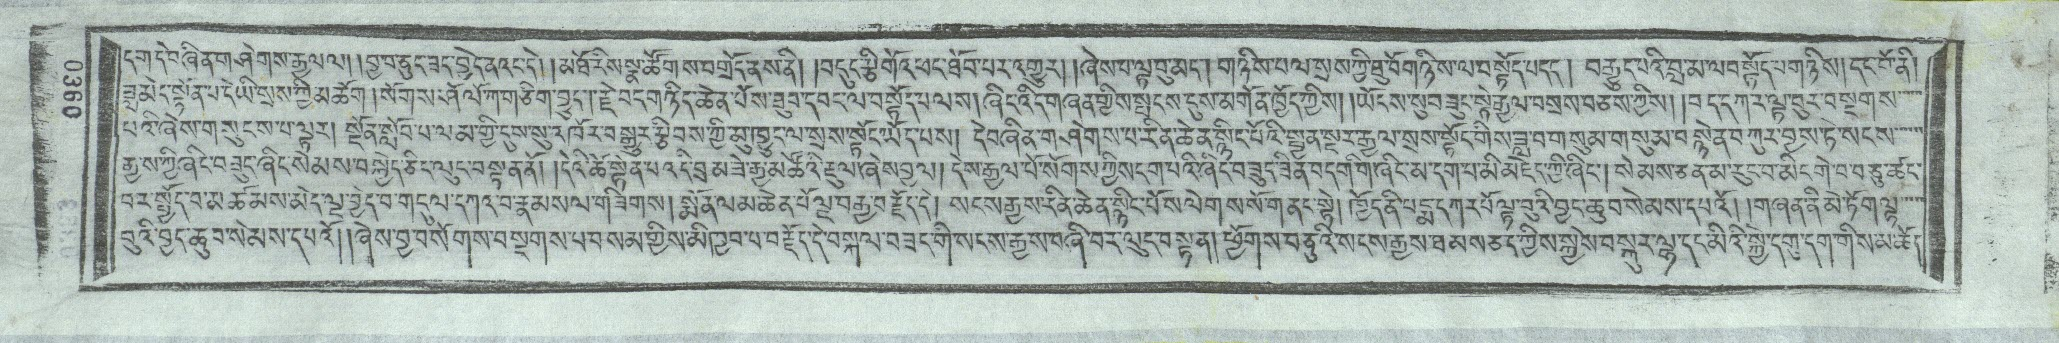དག་དེ་བཞིན་གཤེགས་རྒྱལ་ལ། །བྱ་བ་ཅུད་ཟད་བྱེད་ནའང་དེ། །མཐོ་རིས་སྣ་ཚོགས་བགྲོད་ནས་ནི། །བདུད་རྩི་གོ་འཕད་ཐོབ་པར་འགྱུར། །ཞེས་པ་ལྟ་བུ་མད། གཉིས་པ་ལ་སྲས་ཀྱི་ཐུ་བོ་གཉིས་ལ་བསྟོད་པ་དང་། བརྒྱུད་པའི་བླ་མ་ལ་བསྟོད་པ་གཉིས། དང་བོ་ནི།
ཟླ་མེད་སྟོན་པ་དེ་ཡི་སྲས་ཀྱི་མཆོག །སོགས་ཤོ་ལོ་ཀ་གཅིག་བྱུང་། རྗེ་བདག་ཉིད་ཆེན་པོས་ཐུབ་དབང་ལ་བསྟོད་པ་ལས། ཞིང་འདི་གཞན་གྱིས་སྤངས་དུས་མགོན་ཁྱོད་ཀྱིས། །ཡོངས་སུ་བཟུང་སྟེ་རྒྱལ་བསྲས་བཅས་ཀྱིས། །བད་དཀར་ལྟ་བུར་བསྔགས་
པའི་ཞེས་གསུངས་པ་ལྟར། སྔོན་སློབ་པ་ལམ་གྱི་དུས་སུ་འཁོར་བསྒྱུར་རྩིབས་ཀྱི་མུ་ཁྱུང་ལ་སྲས་སྟོང་ཡོད་པས། དེ་བཞིན་གཤེགས་པ་རིན་ཆེན་སྙིང་པོའི་སྤྱན་སྔར་རྒྱལ་སྲས་སྟོང་གིས་ཟླ་བ་གསུམ་གསུམ་བསྙེན་བཀུར་བྱས་ཏེ་སངས་
རྒྱས་ཀྱི་ཞིང་བཟུང་ཞིང་སེམས་བསྐྱེད་ཅིང་ལུང་བསྟན་ནོ། །དེའི་ཚེ་སྟེན་པ་འདི་བྲམ་ཟེ་རྒྱ་མཚོའི་རྡུལ་ཞེས་བྱལ། དེས་རྒྱལ་པོ་སོགས་ཀྱིས་བདག་པའི་ཞིང་བཟུང་ཟིན་བདག་གི་ཞིང་མ་དག་པ་མི་མཇེད་ཀྱི་ཞིང་། སེམས་ཅན་མ་རུང་བ་མིང་གེ་བ་བཅུ་ཚང་
བར་སྤྱོད་བ་མཚམས་མེད་ལྔ་བྱེད་བ་གདུལ་དཀའ་བ་རྣམས་ལ་གཟིགས། སྨོན་ལམ་ཆེན་པོ་ལྔ་བརྒྱ་བརྗོད་དེ། སངས་རྒྱས་རིན་ཆེན་སྙིང་པོས་ལེགས་སོ་གནང་སྟེ། ཁྱོད་ནི་པདམ་དཀར་པོ་ལྟ་བུའི་བྱང་ཆུབ་སེམས་དཔའོ། །གཞན་ནི་མེ་ཏོག་ལྟ་
བུའི་བྱང་ཆུབ་སེམས་དཔའོ། །ཞེས་བྱ་བ་སོགས་བསྔགས་པ་བསམ་གྱིས་མི་ཁྱབ་པ་བརྗོད་དེ་བསྐལ་བཟང་གི་སངས་རྒྱས་བཞི་བར་ལུང་བསྟན། ཕྱོགས་བཅུའི་སངས་རྒྱས་ཐམས་ཅད་ཀྱིས་སྐྱེས་བསྐུར་ལྷ་དང་མིའི་སྐྱེད་དགུ་དག་གིས་མ་ཚོད་